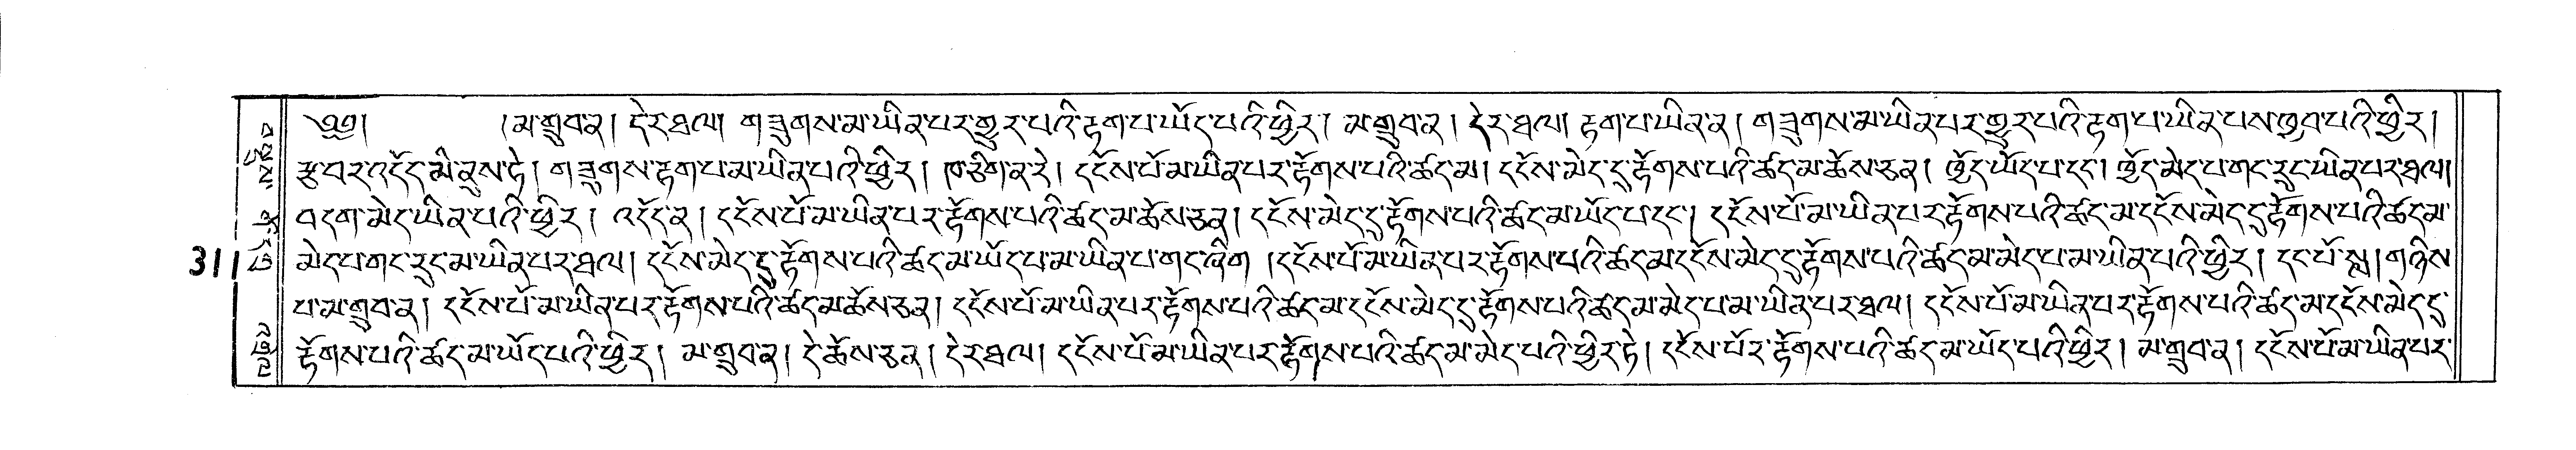༄༅། །མ་གྲུབ་ན། དེར་ཐལ། གཟུགས་མ་ཡིན་པར་གྱུར་པའི་རྟག་པ་ཡོད་པའི་ཕྱིར། མ་གྲུབ་ན། དེར་ཐལ། རྟག་པ་ཡིན་ན། གཟུགས་མ་ཡིན་པར་གྱུར་པའི་རྟག་པ་ཡིན་པས་ཁྱབ་པའི་ཕྱིར།
རྩ་བར་འདོད་མི་ནུས་ཏེ། གཟུགས་རྟག་པ་མ་ཡིན་པའི་ཕྱིར། ཁ་ཅིག་ན་རེ། དངོས་པོ་མ་ཡིན་པར་རྟོགས་པའི་ཚད་མ། དངོས་མེད་དུ་རྟོགས་པའི་ཚད་མ་ཆོས་ཅན། ཁྱོད་ཡོད་པ་དང་། ཁྱོད་མེད་པ་གང་རུང་ཡིན་པར་ཐལ།
བདག་མེད་ཡིན་པའི་ཕྱིར། འདོད་ན། དངོས་པོ་མ་ཡིན་པར་རྟོགས་པའི་ཚད་མ་ཆོས་ཅན། དངོས་མེད་དུ་རྟོགས་པའི་ཚད་མ་ཡོད་པ་དང་། དངོས་པོ་མ་ཡིན་པར་རྟོགས་པའི་ཚད་མ་དངོས་མེད་དུ་རྟོགས་པའི་ཚད་མ་
མེད་པ་གང་རུང་མ་ཡིན་པར་ཐལ། དངོས་མེད་དུ་རྟོགས་པའི་ཚད་མ་ཡོད་པ་མ་ཡིན་པ་གང་ཞིག །དངོས་པོ་མ་ཡིན་པར་རྟོགས་པའི་ཚད་མ་དངོས་མེད་དུ་རྟོགས་པའི་ཚད་མ་མེད་པ་མ་ཡིན་པའི་ཕྱིར། དང་པོ་སླ། གཉིས་
པ་མ་གྲུབ་ན། དངོས་པོ་མ་ཡིན་པར་རྟོགས་པའི་ཚད་མ་ཆོས་ཅན། དངོས་པོ་མ་ཡིན་པར་རྟོགས་པའི་ཚད་མ་དངོས་མེད་དུ་རྟོགས་པའི་ཚད་མ་མེད་པ་མ་ཡིན་པར་ཐལ། དངོས་པོ་མ་ཡིན་པར་རྟོགས་པའི་ཚད་མ་དངོས་མེད་དུ་
རྟོགས་པའི་ཚད་མ་ཡོད་པའི་ཕྱིར། མ་གྲུབ་ན། དེ་ཆོས་ཅན། དེར་ཐལ། དངོས་པོ་མ་ཡིན་པར་རྟོགས་པའི་ཚད་མ་མེད་པའི་ཕྱིར་ཏེ། དངོས་པོར་རྟོགས་པའི་ཚད་མ་ཡོད་པའི་ཕྱིར། མ་གྲུབ་ན། དངོས་པོ་མ་ཡིན་པར་